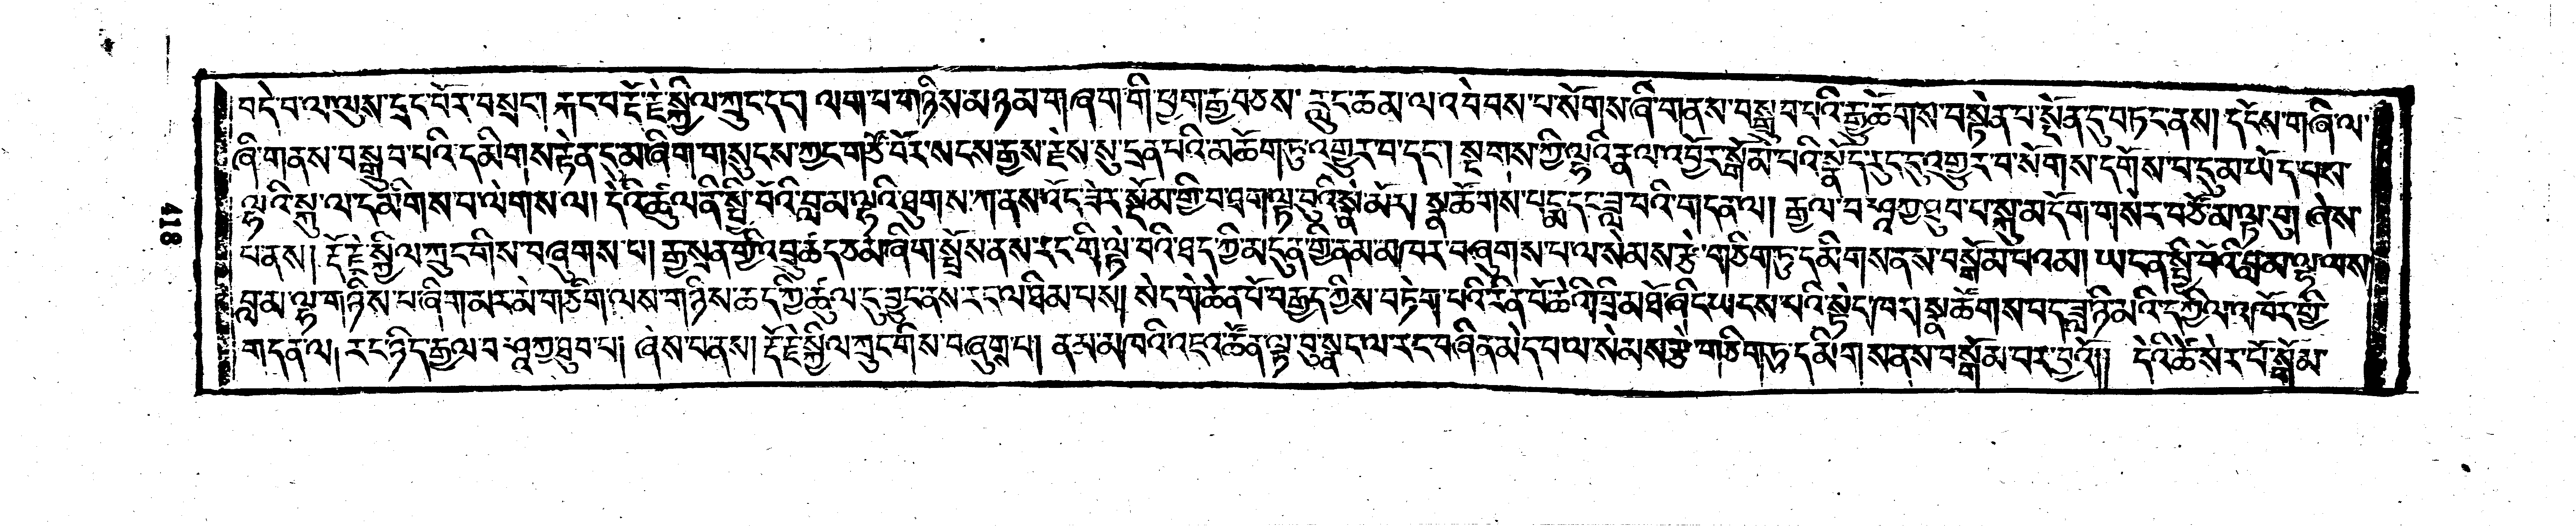བདེ་བ་ལ་ལུས་དྲང་པོར་བསྲང་། རྐང་པ་རྡོ་རྗེ་སྐྱིལ་ཀྲུང་དང་། ལག་པ་གཉིས་མཉམ་གཞག་གི་ཕྱག་རྒྱ་བཅས་རླུང་ཆམ་ལ་འབེབས་པ་སོགས་ཞི་གནས་བསྒྲུབ་པའི་རྒྱུ་ཚོགས་བསྟེན་པ་སྔོན་དུ་བཏང་ནས། དངོས་གཞི་ལ་
ཞི་གནས་བསྒྲུབ་པའི་དམིགས་རྟེན་དུ་མ་ཞིག་གསུངས་ཀྱང་གཙོ་བོར་སངས་རྒྱས་རྗེས་སུ་དྲན་པའི་མཆོག་ཏུ་འགྱུར་བ་དང་། སྔགས་ཀྱི་ལྷའི་རྣལ་འབྱོར་སྒོམ་པའི་སྣོད་རུང་དུ་འགྱུར་བ་སོགས་དགོས་པ་དུ་མ་ཡོད་པས་
ལྷའི་སྐུ་ལ་དམིགས་པ་ལེགས་ལ། དེའི་ཚུལ་ནི་སྤྱི་བོའི་བླ་མ་ལྷའི་ཐུགས་ཀ་ནས་འོད་ཟེར་སྡོམ་གྱི་བ་ཐག་ལྟ་བུའི་སྣེ་མོར། སྣ་ཚོགས་པདམ་དང་ཟླ་བའི་གདན་ལ། རྒྱལ་བ་ཤཱཀྱ་ཐུབ་པ་སྐུ་མདོག་གསེར་བཙོ་མ་ལྟ་བུ། ཞེས་
པ་ནས། རྡོ་རྗེ་སྐྱིལ་ཀྲུང་གིས་བཞུགས་པ། རྒྱ་སྲན་གྱི་འབྲུ་ཚད་ཙམ་ཞིག་སྤྲོས་ནས་རང་གི་ལྟེ་བའི་ཐད་ཀྱི་མདུན་གྱི་ནམ་མཁར་བཞུགས་པ་ལ་སེམས་རྩེ་གཅིག་ཏུ་དམིགས་ནས་བསྒོམ་པའམ། ཡང་ན་སྤྱི་བོའི་བླ་མ་ལྷ་ལས་
བླ་མ་ལྷ་གཉིས་པ་ཞིག་མར་མེ་གཅིག་ལས་གཉིས་ཆད་ཀྱི་ཚུལ་དུ་བྱུང་ནས་རང་ལ་ཐིམ་པས། སེང་གེ་ཆེན་པོ་བརྒྱད་ཀྱིས་བཏེག་པའི་རིན་པོ་ཆེའི་ཁྲི་མཐོ་ཞིང་ཡངས་པའི་སྟེང་ཁར། སྣ་ཚོགས་པད་ཟླ་ཉི་མའི་དཀྱིལ་འཁོར་གྱི་
གདན་ལ། རང་ཉིད་རྒྱལ་བ་ཤཱཀྱ་ཐུབ་པ། ཞེས་པ་ནས། རྡོ་རྗེ་སྐྱིལ་ཀྲུང་གིས་བཞུགས་པ། ནམ་མཁའི་འཇའ་ཚོན་ལྟ་བུ་སྣང་ལ་རང་བཞིན་མེད་པ་ལ་སེམས་རྩེ་གཅིག་ཏུ་དམིགས་ནས་བསྒོམ་པར་བྱའོ།། དེའི་ཚེ་སེར་པོ་སྒོམ་